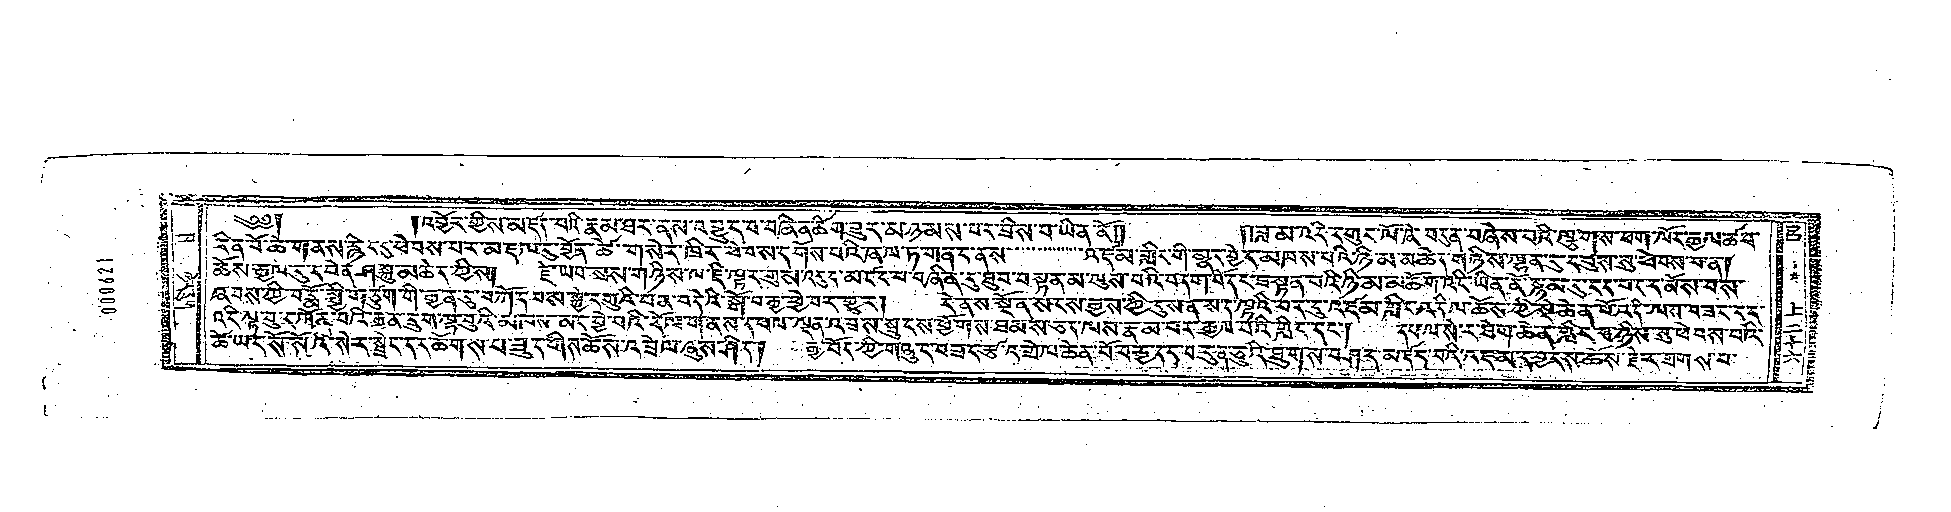༄༅། །འབྱོར་གྱིས་མཛད་པའི་རྣམ་ཐར་ནས་འབྱུང་བ་བཞིན་ཚིག་ཟུར་མ་ཉམས་པར་བྲིས་བ་ཡིན་ནོ།། །།བླ་མ་འདི་དགུང་ལོ་ཞེ་བདུན་བཞེས་པའི་ལྕགས་ཕག་ལོར་རྒྱལ་ཚབ་
རིན་པོ་ཆེ་གནས་རྙིང་དུ་ཕེབས་པར་མཇལ་དུ་བྱོན་ཚེ་གསེར་ཁྲིར་ཕེབས་དགོས་པའི་ཞལ་ཏ་གནང་ནས་འཛམ་གླིང་གི་སྣང་བྱེད་མཁས་པའི་ཉི་མ་མཆེད་གཉིས་ལྷན་དུ་དབུས་སུ་ཕེབས་པ་ན།
ཆོས་རྒྱལ་དུ་དབེན་ཤ་སྐུ་མཆེད་ཀྱིས། རྗེ་ཡབ་སྲས་གཉིས་ལ་ཇི་ལྟར་གུས་འདུང་མཛད་པ་བཞིན་དུ་ཐུབ་བསྟན་མ་ལུས་བའི་བདག་བོ་དང་བསྟན་པའི་ཉི་མ་མཆོག་འདི་ཡིན་ནོ་སྙམ་དུ་དད་པ་དང་མོས་པས་
ཞབས་ཀྱི་པདམོ་སྤྱི་གཙུག་གི་རྒྱན་དུ་བཀོད་པས་སྐྱེ་དགུའི་ཕན་བདེའི་སྒོ་བརྒྱ་ཕྱེ་བར་གྱུར། དེ་ནས་སྔོན་སངས་རྒྱས་ཀྱི་དུས་ནས་ད་ལྟའི་པར་དུ་འཛམ་གླིང་འདི་ལ་ཆོས་ཀྱི་སྡེ་ཆེན་པོ་འདི་ལས་བཟང་དང་
འདི་ལྟ་བུ་དཀོན་པའི་རྒྱན་དྲུག་ལྟ་བུའི་མཁས་མང་བྱེ་བའི་རོལ་གནས་དཔལ་ལྡན་འབྲས་སྤུངས་ཕྱོགས་ཐམས་ཅད་ལས་རྣམ་བར་རྒྱལ་བའི་གླིང་དང་། དཔལ་སེ་ར་ཐེག་ཆེན་གླིང་གཉིས་སུ་ཕེབས་པའི་
ཚེ་ཡང་སོ་སོའི་སེར་སྦྲེང་དང་ཚོགས་པ་ཟུང་གིས་ཆོས་འབྲེལ་ཞུས་ཤིང་། རྒྱ་བོད་ཀྱི་གཞུང་བཟང་རྩ་འགྲེལ་ཆེན་པོ་བརྒྱ་དང་བདུན་ཅུའི་ཐུགས་བཤད་མཛད་བའི་འཇམ་དབྱངས་ཆོས་རྗེར་གྲགས་པ་